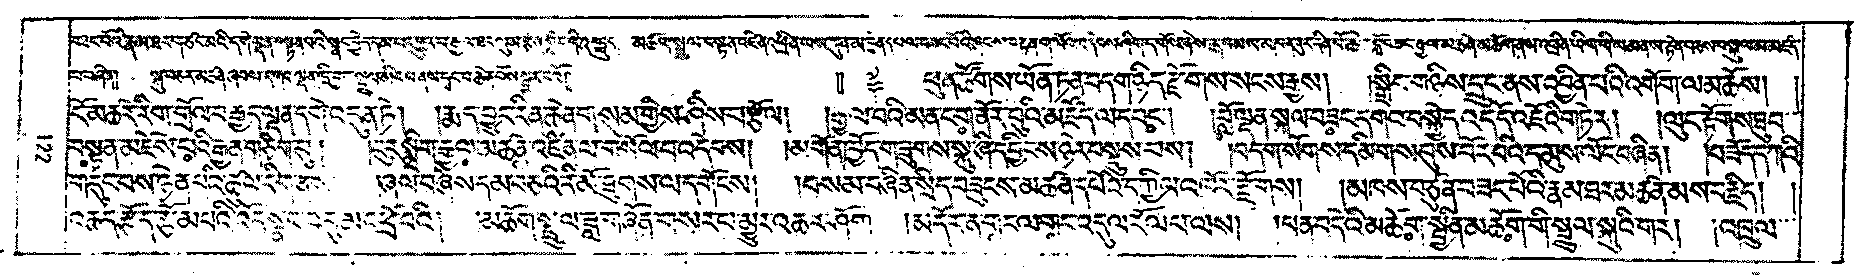བཟང་པོའི་རྣམ་ཐར་གཙང་མའི་དགེ་ལྡན་བསྟན་པའི་སྣང་བྱེད་དམ་པར་གྱུར་པ་རྒྱལ་ཐང་སུམ་རྩོན་གླིང་གི་འ་སྦུག །མཆོག་སྤྲུལ་བསྟན་འཛིན་འཕྲིན་ལས་ཀུན་མཁྱེན་དཔལ་བཟང་པོའི་ཞབས་བརྟན་གསོལ་འདེབས་ཤིག་དགོས་ཞེས་ཆ་ཁམས་མཁན་ཟུར་རིན་པོ་ཆེ་བློ་བཟང་རྒྱལ་མཚན་མཆོག་ནས་འཕྲིན་ཡིག་གི་ལམ་ནས་རྟེན་བཅས་བསྐུལ་མ་མཛད་
པ་བཞིན། སྐུ་བཅར་མཚན་ཞབས་དགའ་ལྡན་ཁྲི་བྱང་སྤྲུལ་མིང་པ་ནས་དྭང་བ་ཆེན་པོས་སྦྱར་བའོ།། །། ༈ ཕུན་ཚོགས་ཡོན་ཏན་བདག་ཉིད་རྫོགས་སངས་རྒྱས། །སྒྲིབ་གཉིས་དྲུང་ནས་འབྱིན་པའི་འགོག་ལམ་ཆོས། །
ངོ་མཚར་རིག་གྲོལ་བརྒྱད་ལྡན་དགེ་འདུན་ཏེ། །རྨད་བྱུང་རིན་ཆེན་གསུམ་གྱིས་ཤིས་བརྩོལ། །རྒྱལ་བའི་མན་ངག྾་ནོར་བུའི་མཛོད་ལ་དབང྾། །བློ྾་ལྡན་སྐལ་བཟང྾་དགའ་བསྐྱེད་འདོད་འཇོའི་གཏེར། །ལུང་རྟོགས་ཐུབ་
བསྟན྾་མཛེས་པའི྾་རྒྱན་གཅིག་པུ། །ངུར་སྨྲིག་རྒྱལ྾་མཚན་འཛིན་ལ་གསོལ་བ་འདེབས། །མགོན་ཁྱོད་གཟུགས་སྐུ་ཞི་དབྱིངས་ཉེར་བསྡུས་པས། །བདག་སོགས་དམིགས་བུས་བོར་བའི་དམུས་ལོང་བཞིན། །བཟོད་དཀའི་
གདུང་བས་ཉེན་པའི་ཚུལ་རིག་ནས། །ཞལ་བཞེས་དམ་བཅའི་རི་མོ་ཐུགས་ལ་དགོངས། །བསམ་བཞིན་སྲིད་བཟུངས་མཚན་དཔེའི་དཀྱིལ་འཁོར་རྫོགས། །མཁས་བཙུན་བཟང་པོའི་རྣམ་ཐར་མཚན་མས་བརྗིད། །
འཆད་རྩོད་རྩོམ་པའི་འོད་སྣང་འབུམ་འཕྲོ་བའི། །མཆོག་སྤྲུལ་ཟླ་གཞོན་གསར་པ་མྱུར་འཆར་ཤོག །མདོར་ན་གང྾་ལ་གང྾་འདུལ་རོལ་པ་ལས། །ཕན་བདེའི་མཆོག྾་སྦྱིན་མཆོག྾་གི་སྤྲུལ་སྐུའི་གར། །འཁྲུལ་